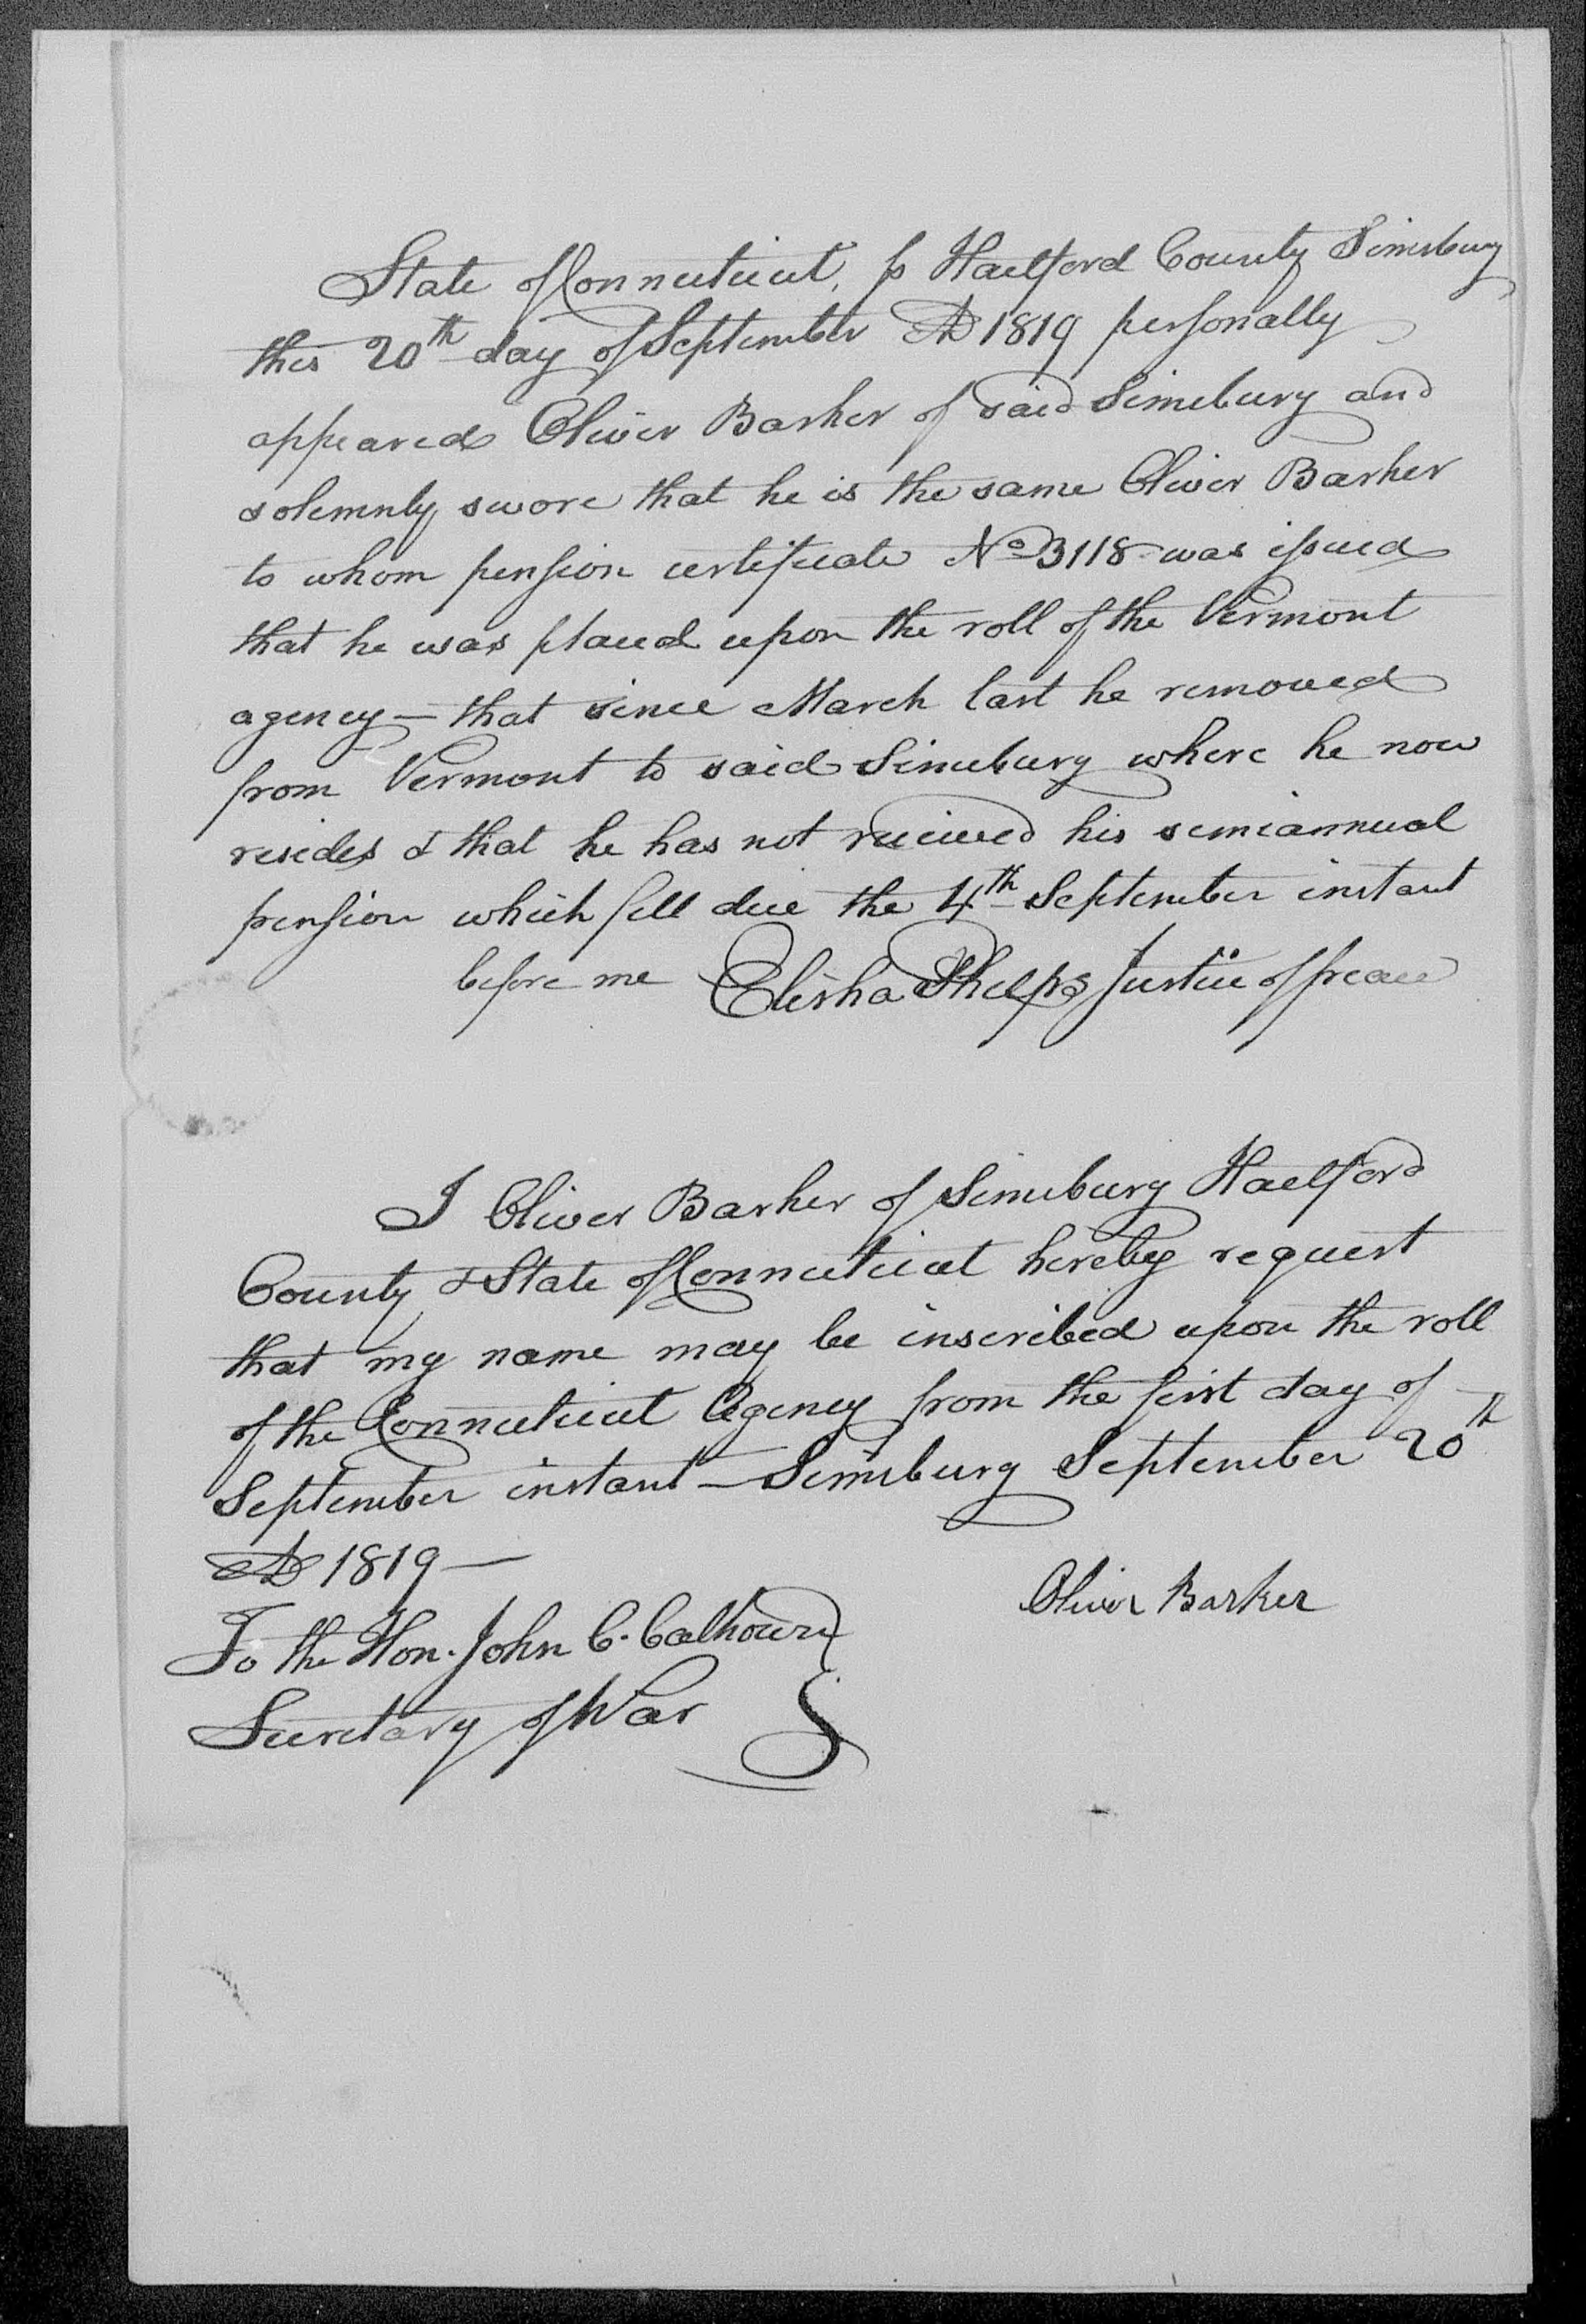State of Connecticut Ss Hartford County Simsbury this 20th day of September AD 1819 personally appeared Oliver Barker of said Simsbury and solemnly swore that he is the same Oliver Barker to whom pension certificate No 3118 was issued that he was placed upon the roll of the Vermont agency- that since March last he removed from Vermont to said Simsbury where he now resides & that he has not received his semiannual pension which fell due the 4th September instant 
before me Elisha Phelps Justice of peace  
I Oliver Barker of Simsbury Hartford County & State of Connecticut hereby request that my name may be inscribed upon the roll of the Connecticut Agency from the first day of September instant 
Simsbury September 20th AD 1819- Oliver Barker  
To the Hon. John C. Calhoun  Secretary of War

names: Oliver Barker, John C Calhoun, Oliver Barker, Oliver Barker, Oliver Barker, Elisha Phelps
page: 45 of 51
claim: widow's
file: W. 1698, Oliver Barker, Conn.